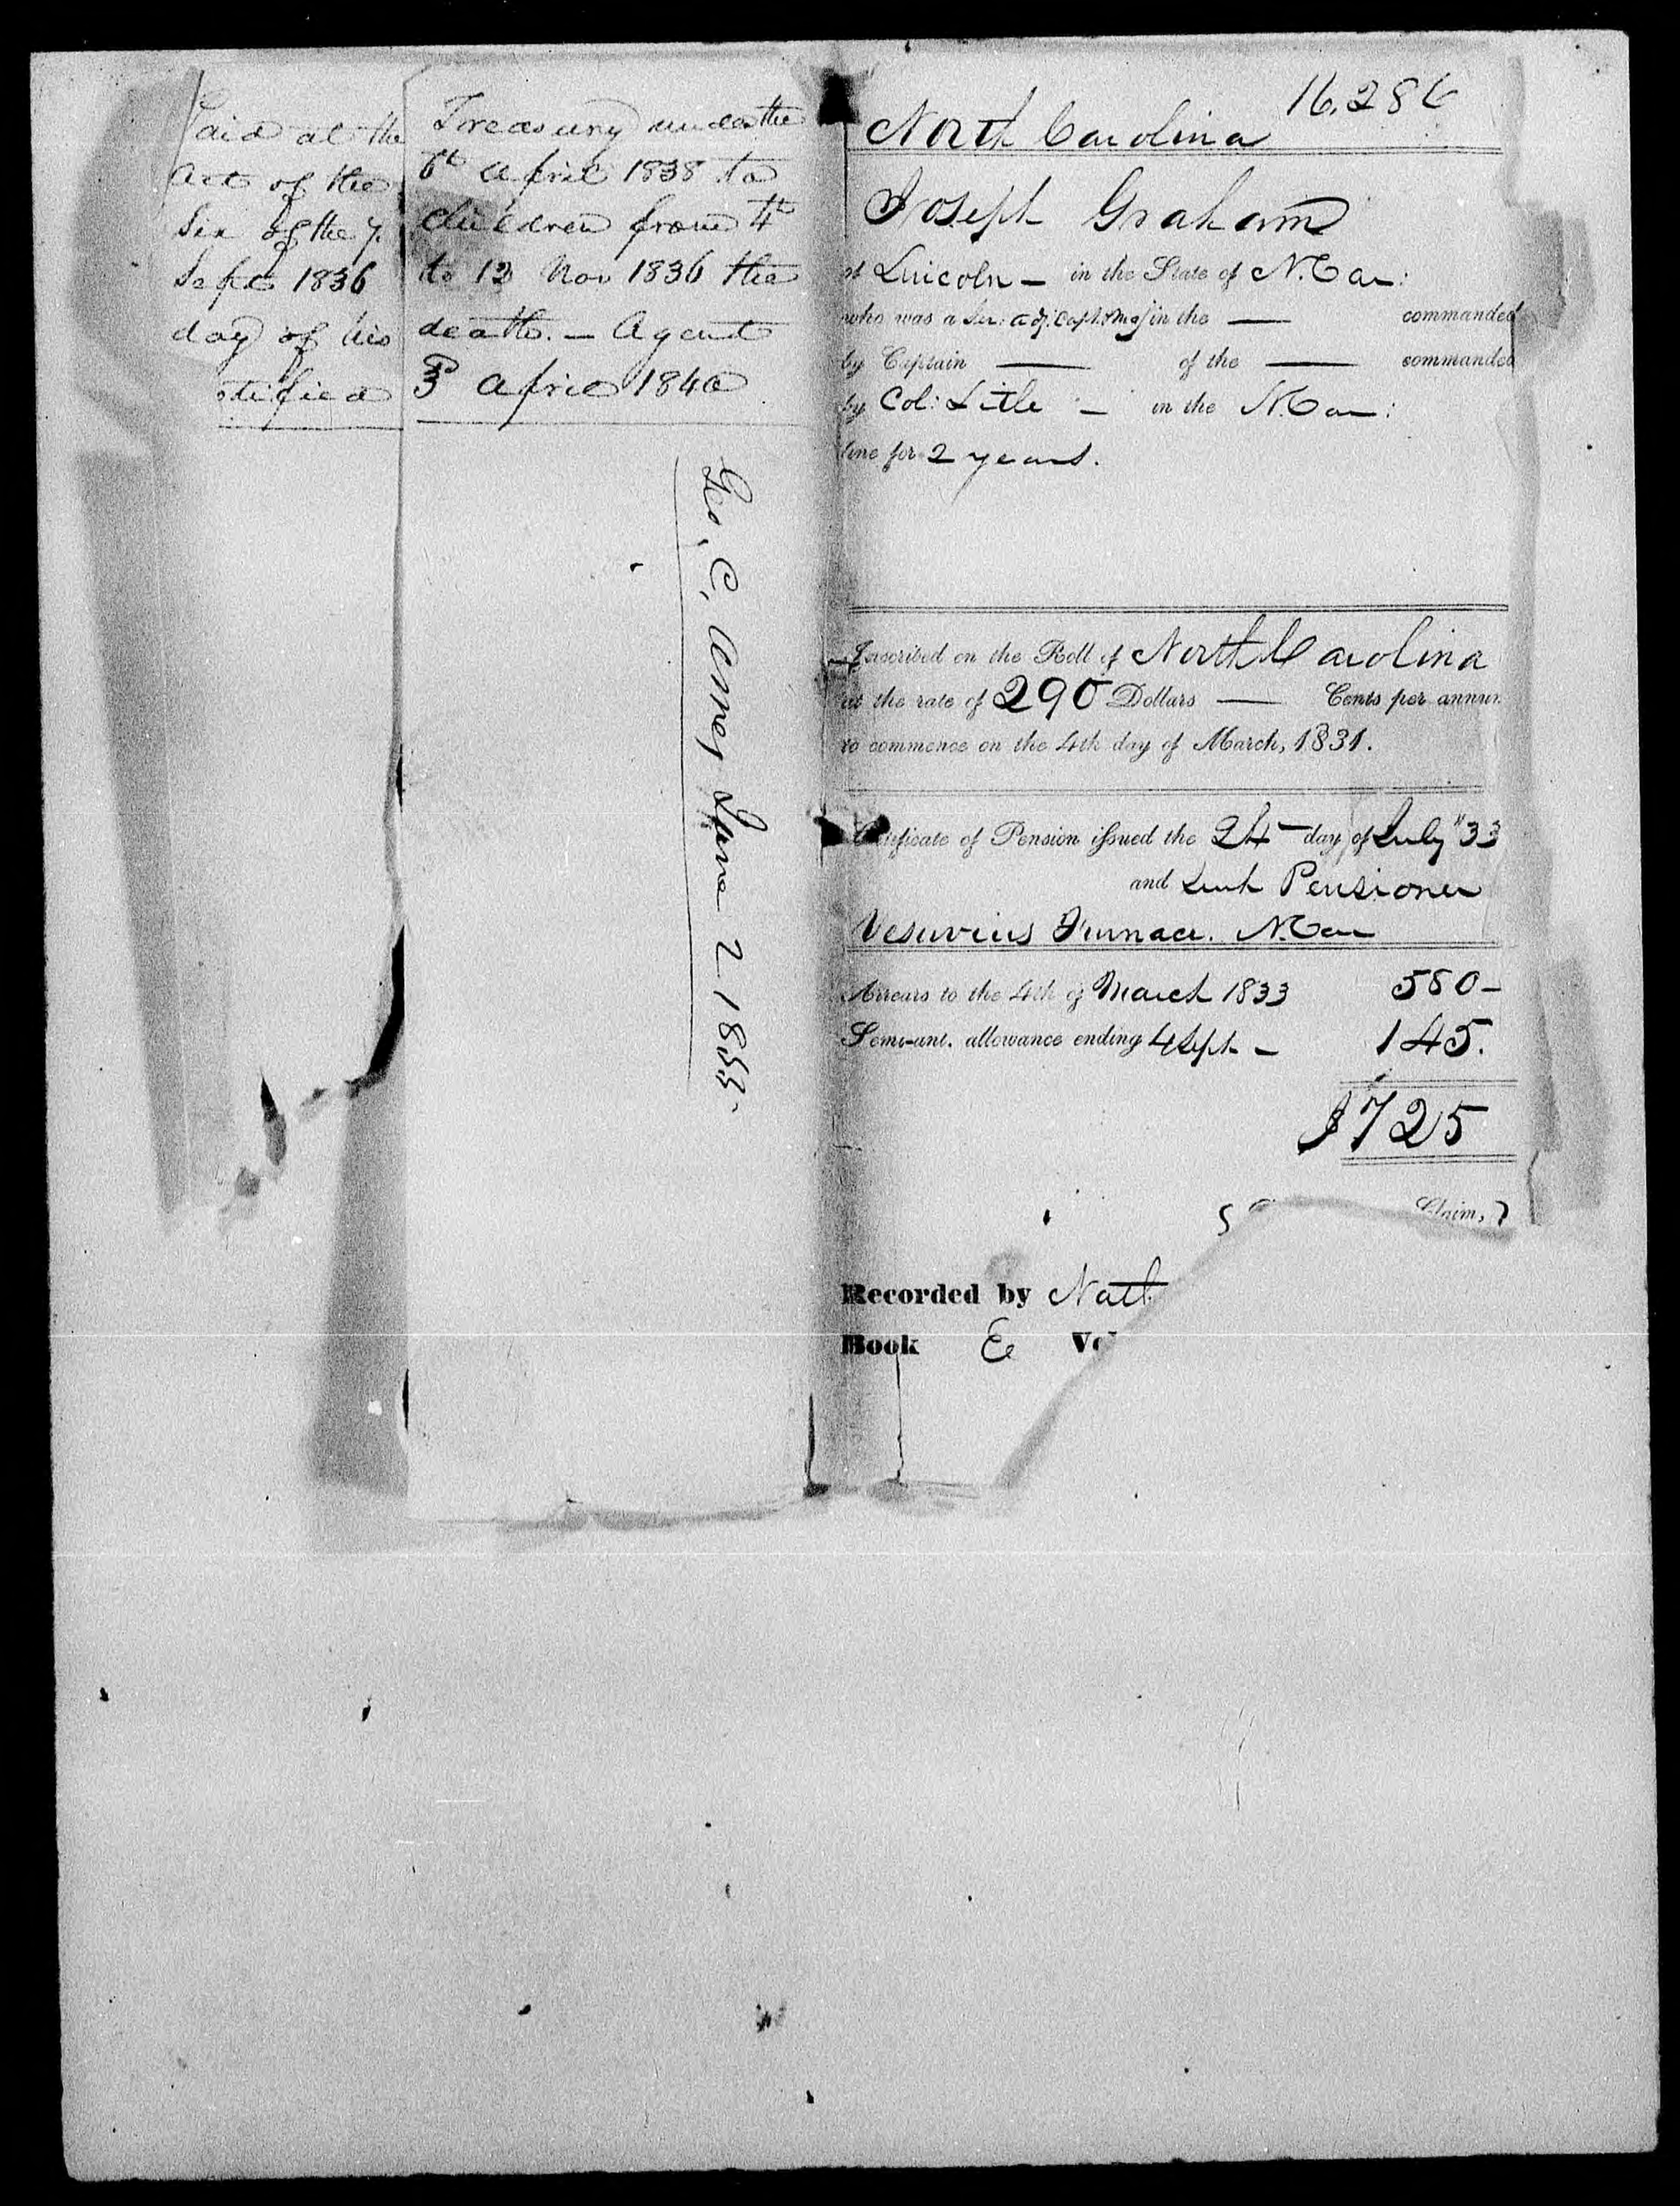Paid at the Treasury under the act of the 7th April 1838 to See of the 7 children from 4th Sept. 1836 to 12 Nov 1836 the day of his death - Agent notified 3 April 1844
Geo. C. Ames June 2 1853.

16.286
North Carolina
Joseph Graham at Lincoln - in the State of N. Car. who was a Ser. Adj. Capt. Maj. in the ___________commanded by Captain _______________ of the _____________commanded by Col. Litle - in the N. Car: line for 2 years.

Inscribed on the Roll of North Carolina at the rate of 290 Dollars _____Cents per annum to commence on the 4th day of March 1831.

Certificate of Pension issued the 24 day of July "33 and set Pensinoer Vesuvius Furnace, N. Car.

Arrears to the 4th of March 1833  550-
Sem-anl. allowance ending 4 Sept - 145=
$725
{Revolutionary Claim}
Recorded by Nathan Rice
Book E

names: Joseph Graham, Litle, , Geo C Ames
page: 42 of 55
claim: survivor's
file: S. 6,937, Joseph Graham, N.C.